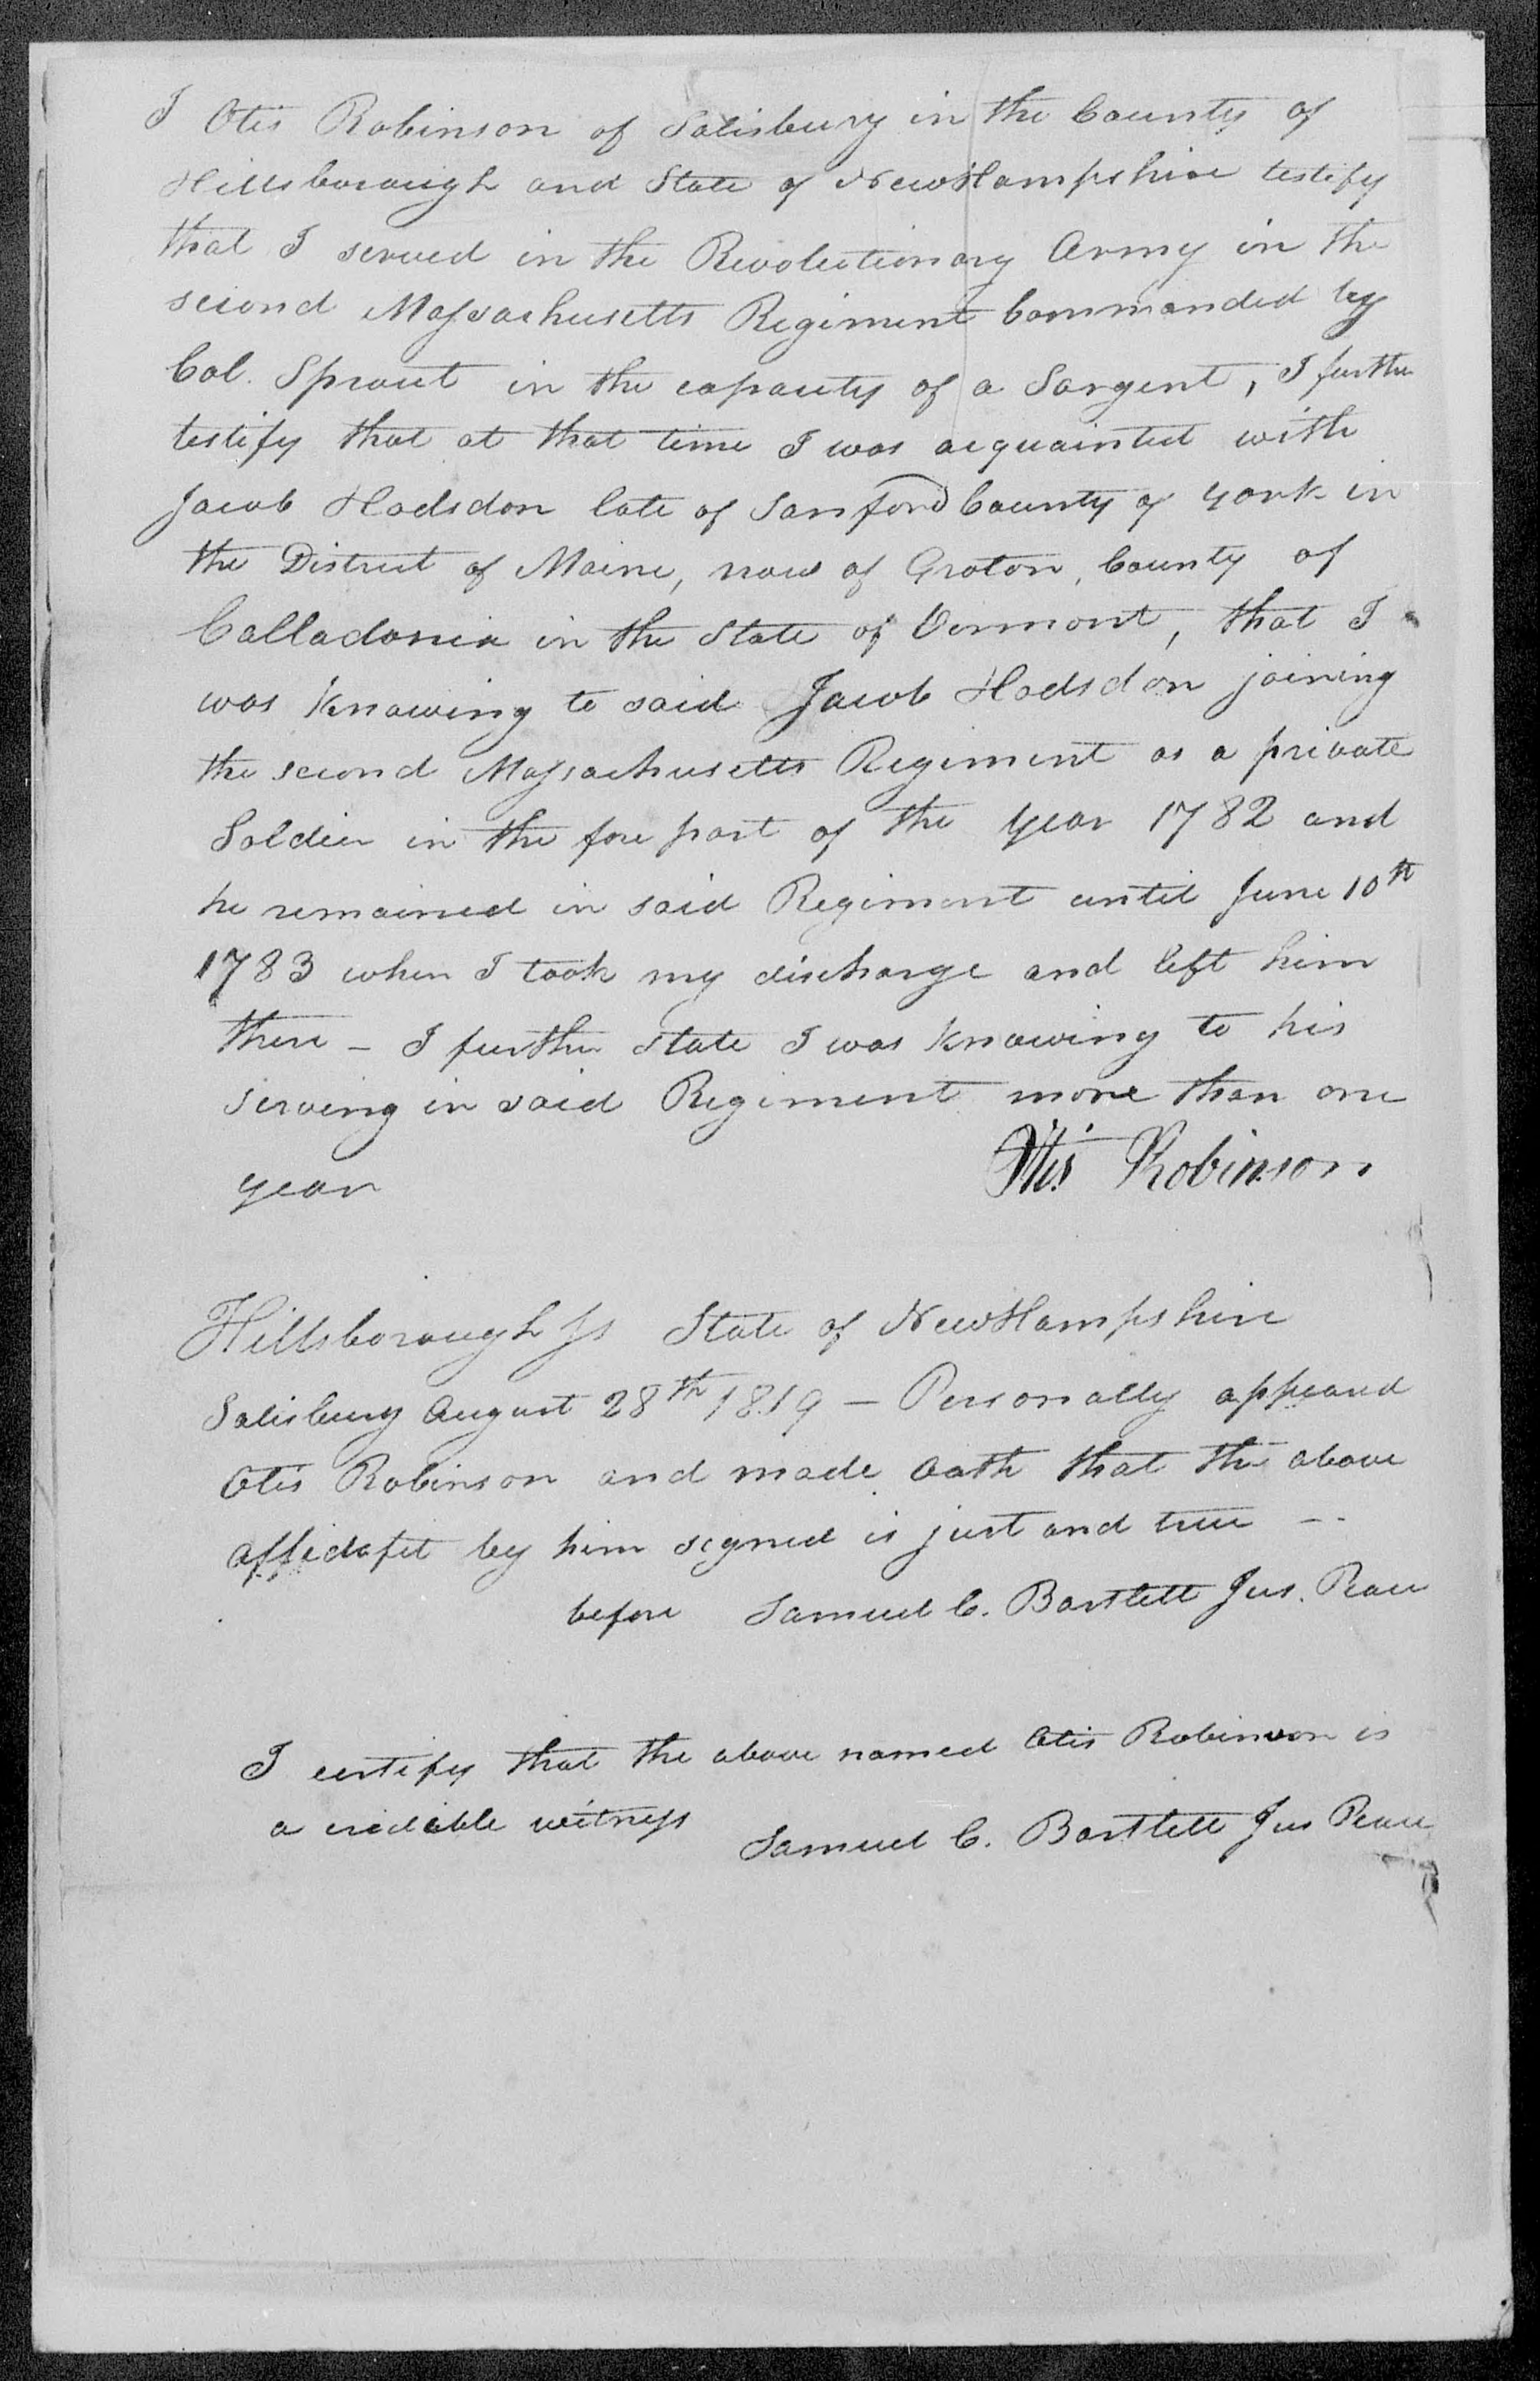I, Otis Robinson of Salisbury in the County of Hillsborough and State of New Hampshire Testify
that I served in the Revolutionary Army in the
Second Massachusetts Regiment commanded by
Sprout in the capacity of a Sargent, I further testify that at that time I was acquainted with Jacob Hodsdon late of Sanford County of York in the District of Maine, now of Groton, County of Caledonia in the State of Vermont, that I
was knowing to said Jacob Hodsdon joining the second Massachusetts Regiment as a private Soldier in the fore part of the year 1782 and he remained in said Regiment until June 10th 1783 when I took my discharge and left him there. I further state I was knowing to his serving in said Regiment more than one year
Otis Robinson
the


Hillsborough  State of New Hampshire Salisbury August 28th 1819 - Personally appeared Otis Robinson and made oath that the above
affidavit by him signed is just and true before Samuel C. Bartlett Jus. Peace
I certify that the above named Otis Robinson is a
credible witness Samuel C. Bartlett Jus Peace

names: Jacob Hodsdon, Otis Robinson, Sprout, Otis Robinson, Otis Robinson, Jacob Hodsdon, Samuel C Bartlett, Samuel C Bartlett, Otis Robinson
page: 16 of 22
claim: survivor's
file: S 44445, Jacob Hodsdon, Mass.